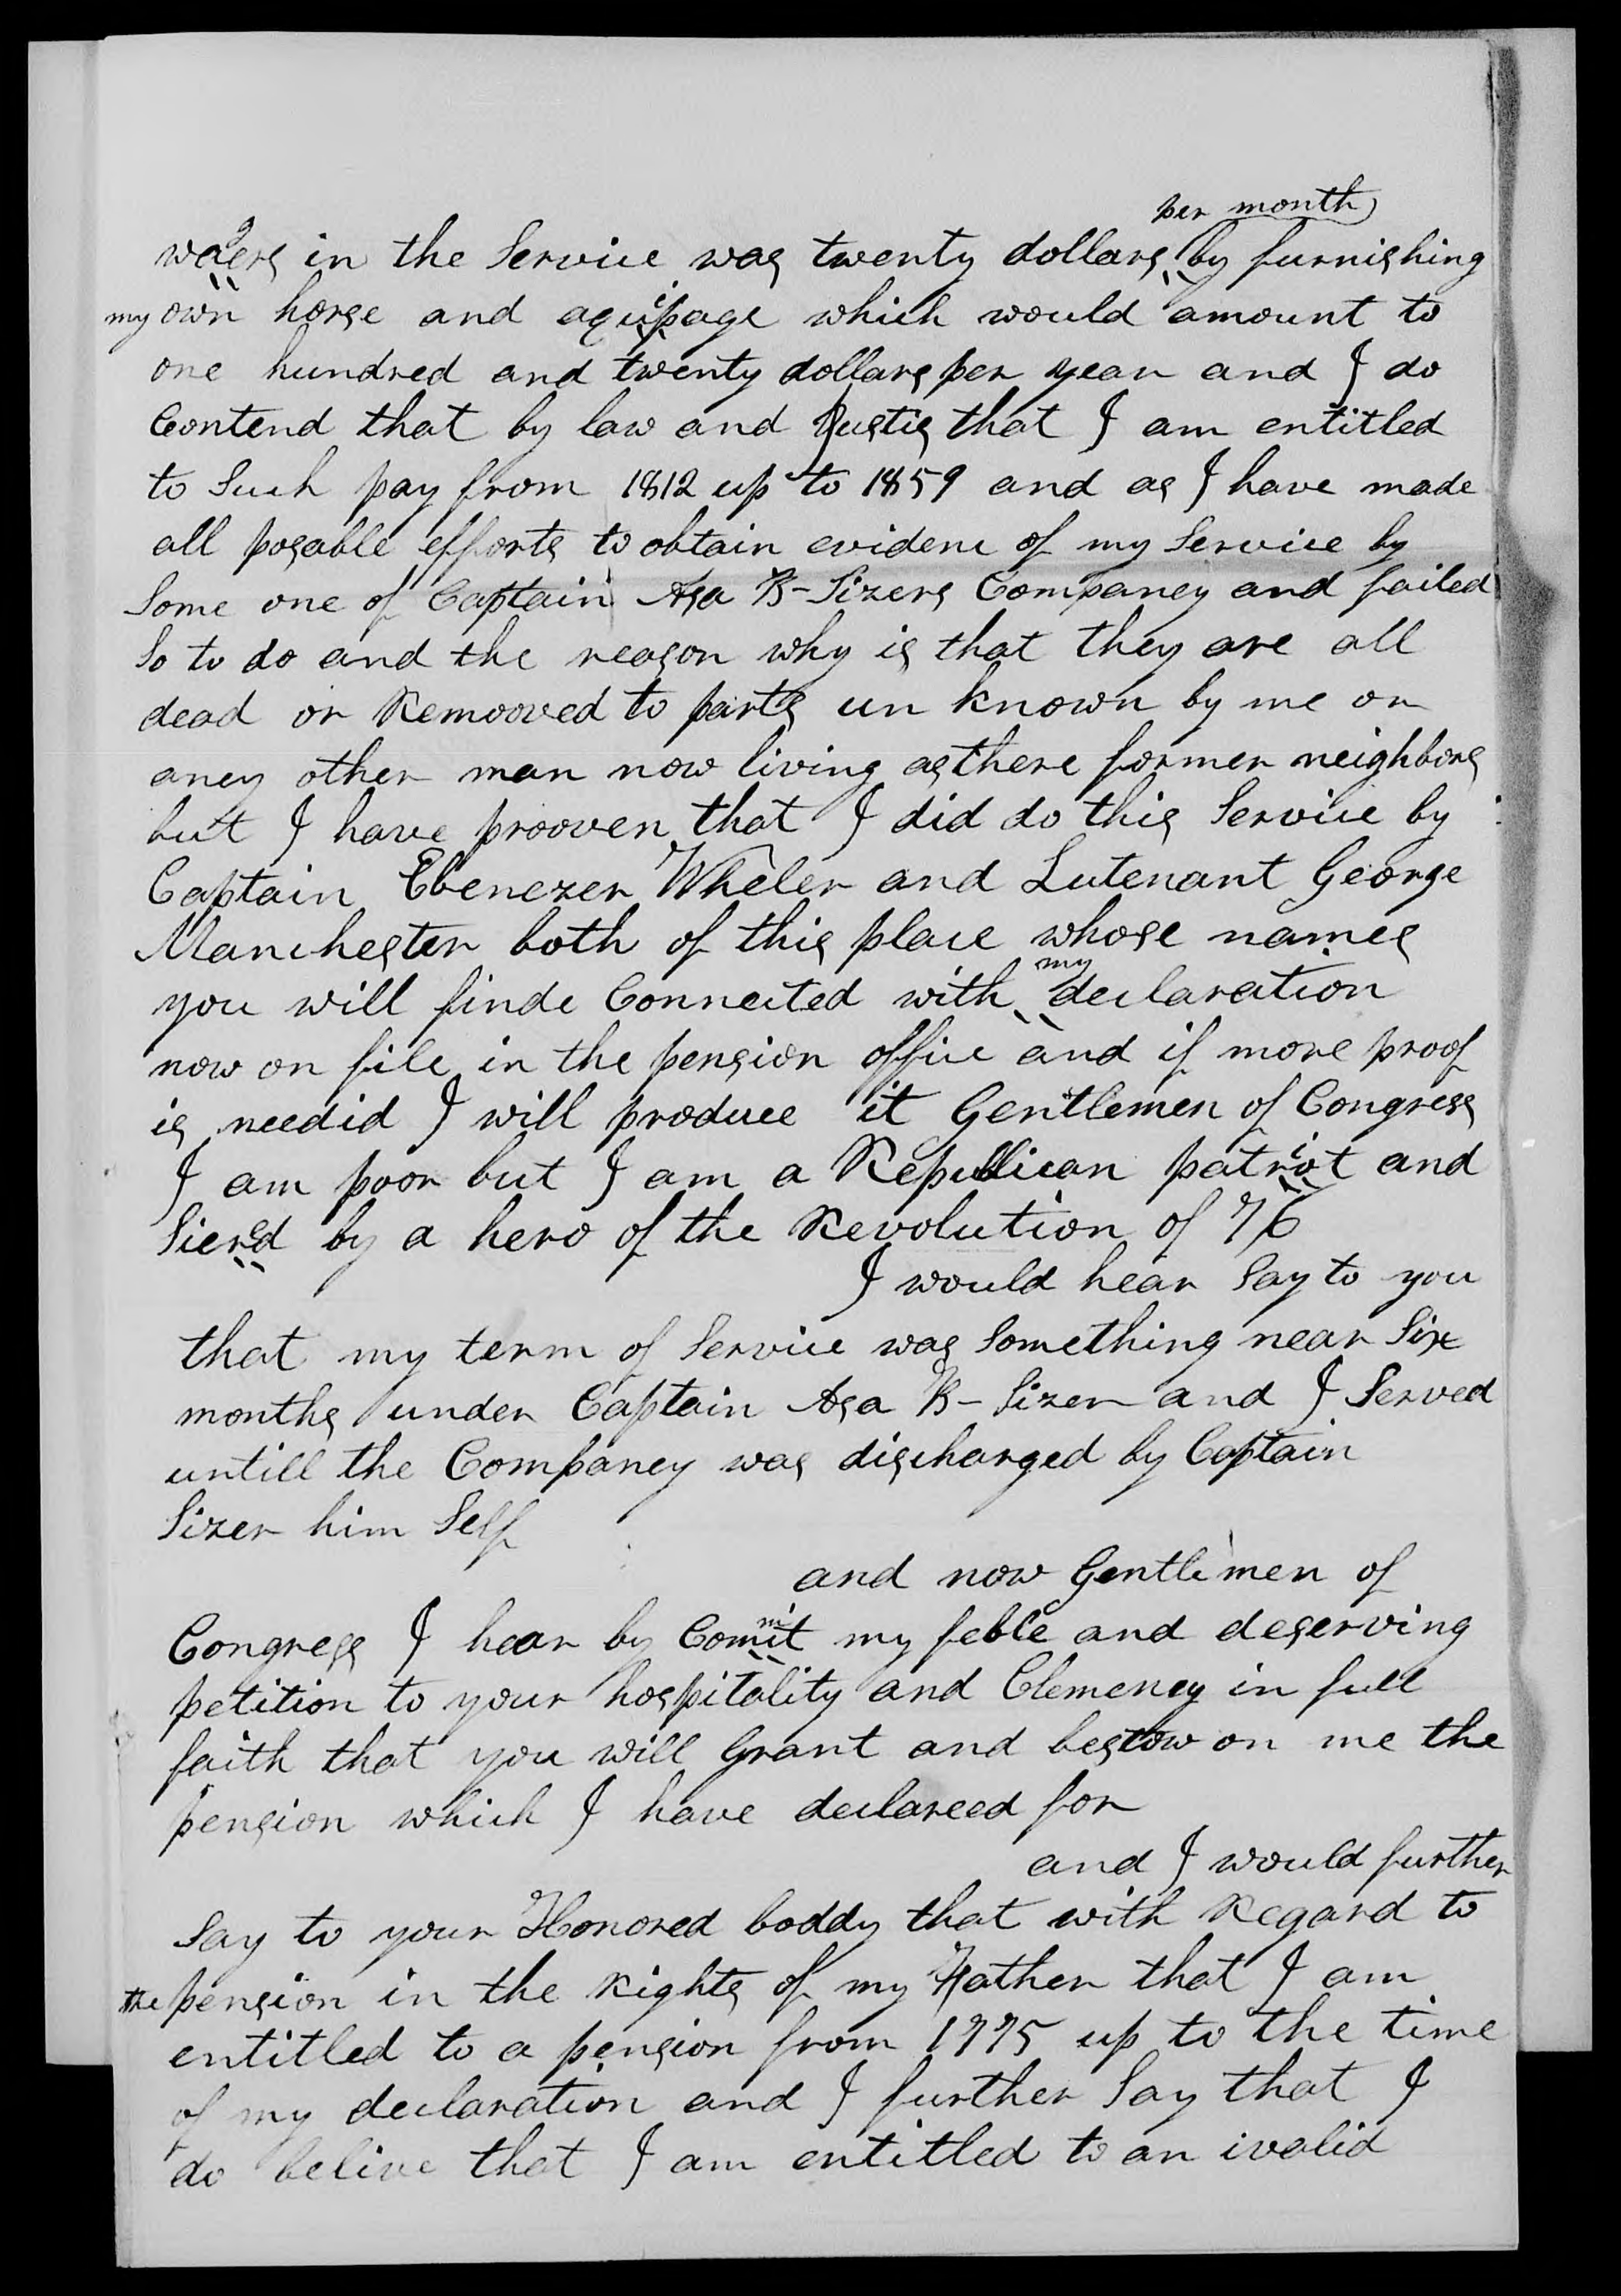wagers in the service was twenty dollars per month, by furnishing my own horse and equipage which would amount to one hundred and twenty dollars per year and I do Contend that by law and justis that I am entitled to such pay from 1812 up to 1859 and as I have made all posable efforts to obtain evidence of my service by some one of Captain Asa B Sizers Company and failed so to do and the reason why is that they are all dead or Remooved to parts un known by me or aney other man now living as there former neighbors but I have prooven that I did do this Service by Captain Ebenezer Wheler and Lutenant George Manchester both of this place whose names you will find connected with my declaration now on file in the pension office and if more proof is needed I will produce it Gentlemen of Congress I am poor but I am a Republican patriot and fiered by a hero of the Revolution of 76 
I would hear say to you that my term of service was something near six months under Captain Asa B Sizer and I served untill the company was discharged by Captain Sizer him self 
and now Gentlemen of Congress I hear by Commit my feble and deserving petition to your hospitality and Clemency in full faith that you will grant and bestow on me the pension which I have declared for 
and I would further say to your Honored boddy that with regard to the pension in the Rights of my Father that I am entitled to a pension from 1775 up to the time of my declaration and I further say that I do belive that I am entitled to an ivalid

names: Asa B Sizer; Ebenezer Wheler; George Manchester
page: 43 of 44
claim: rejected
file: R. 17,033, for Joseph Perkins, New York